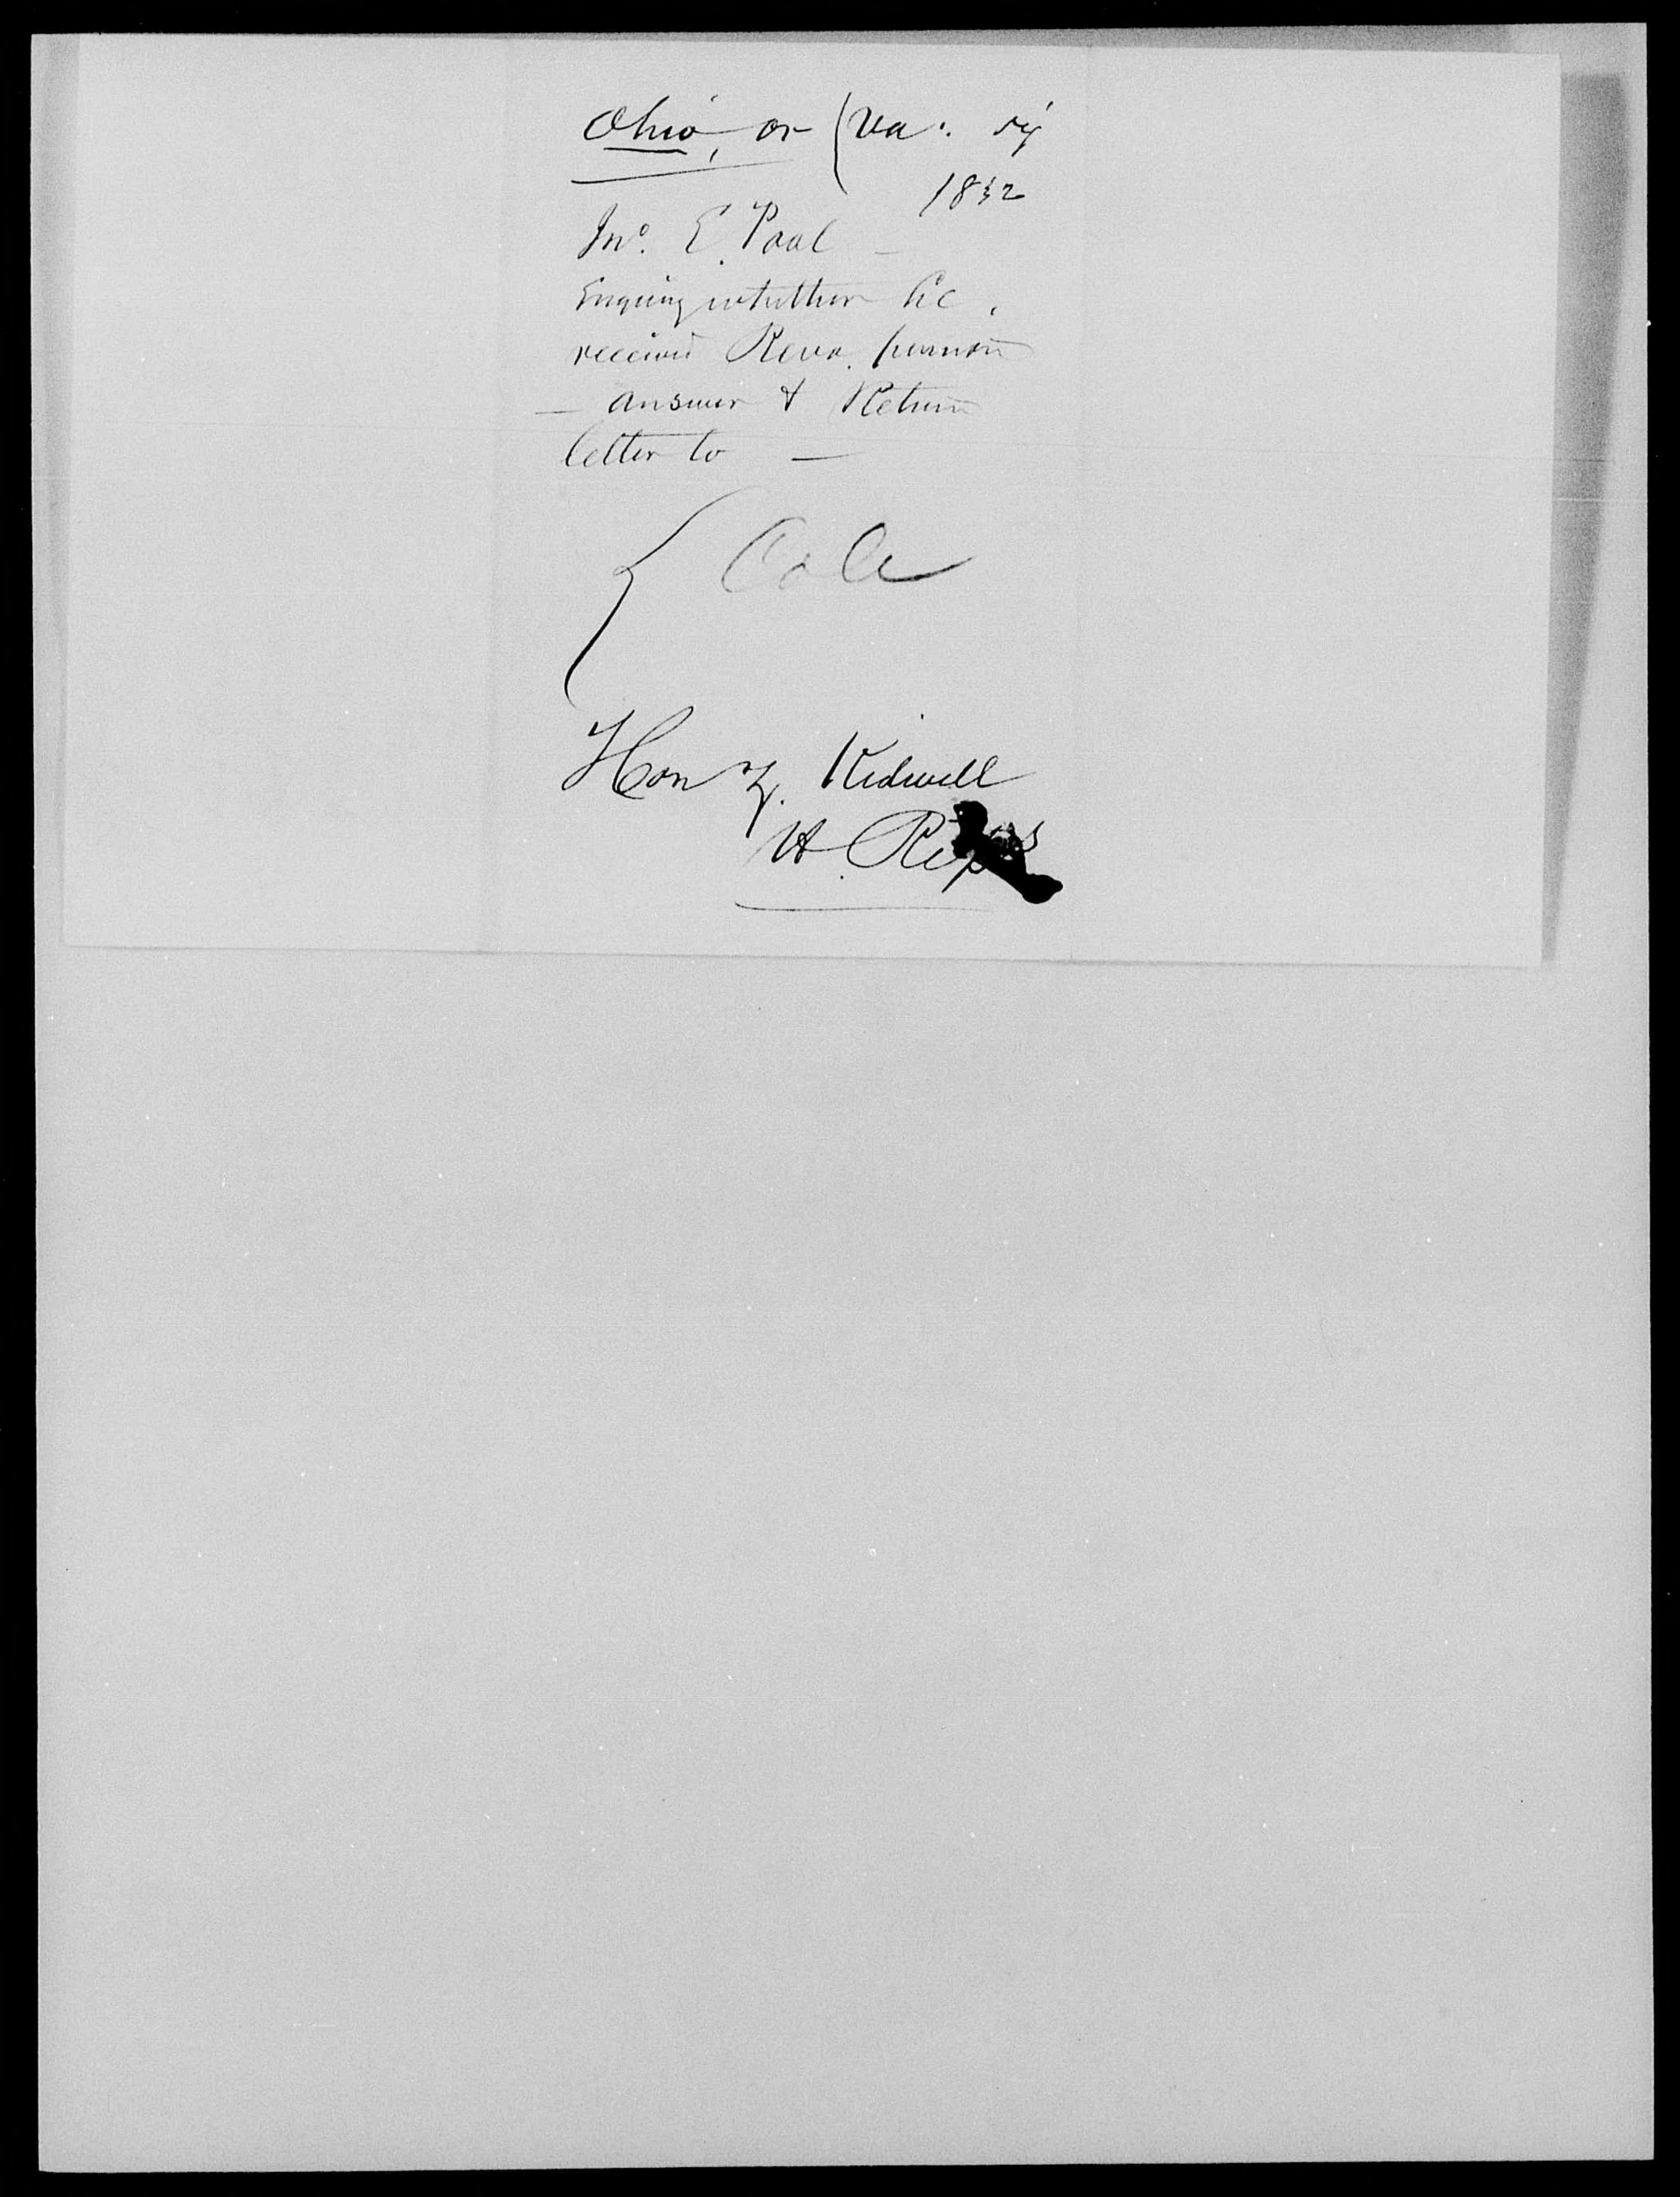Ohio or Va.
1832
Jn E Pool
Enquiry whether he received Rev pension
Answer & return letter to 
Cole
Hon. Z. Kidwell
H Rep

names: Jno E Pool; Z Kidwell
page: 18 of 22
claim: rejected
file: R. 8,319, for John Engle Pool, Pennsylvania